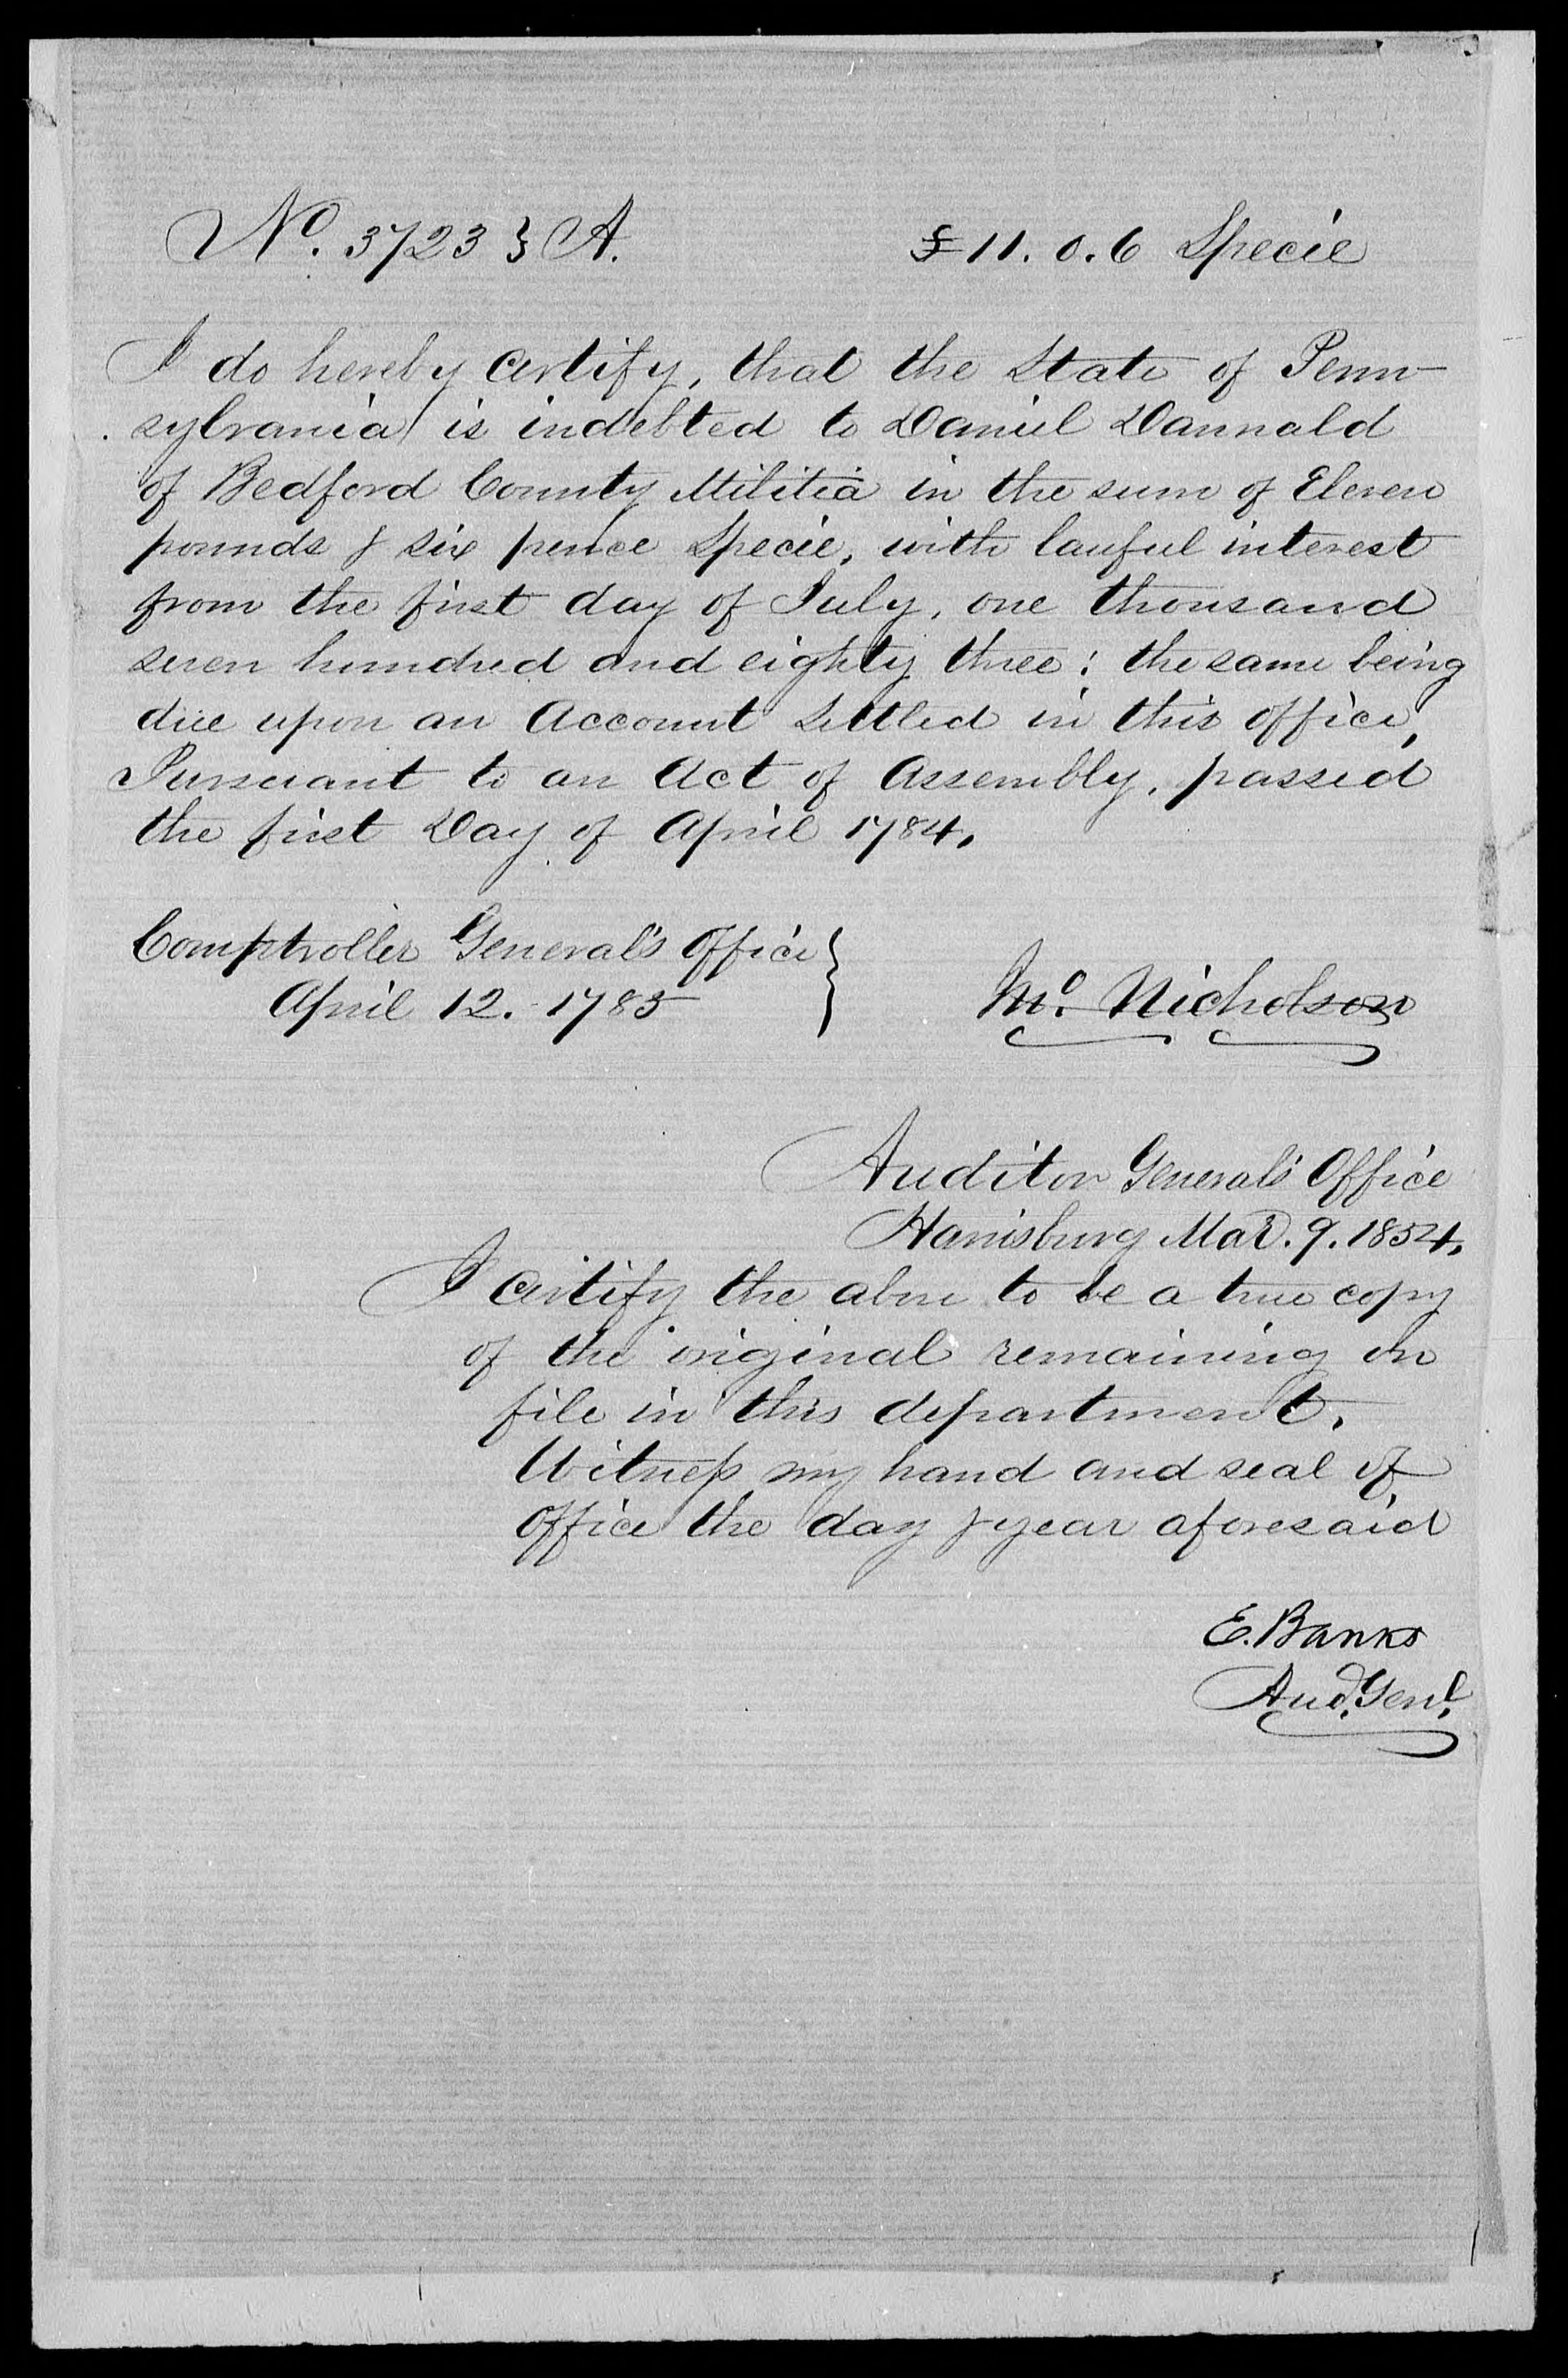No. 3723 A.  £11.0.6 Specie
I do hereby certify that the State of Pennsylvania
is indebted to Daniel Dannald
of Bedford County Militia in the sum of Eleven
pounds & six pence Specie, with lawful interest
from the first day of July, one thousand 
seven hundred and eighty three: the same being
due upon an account settled in this office,
Pursuant to an Act of Assembly passed
the first Day of April 1784.
Jno. Nicholson
Comptroller General's Office
April 12, 1785

Auditor General's Office
Harrisburg Mar. 9, 1854
I certify the above to be a true copy
of the original remaining on
file in this department.
Witness my hand and seal of
office the day & year aforesaid
E. Banns
Aud. Genl.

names: E Banks, Daniel Dannald, Jno Nicholson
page: 33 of 35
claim: rejected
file: R. 2,650, Daniel Daniels, Penn.